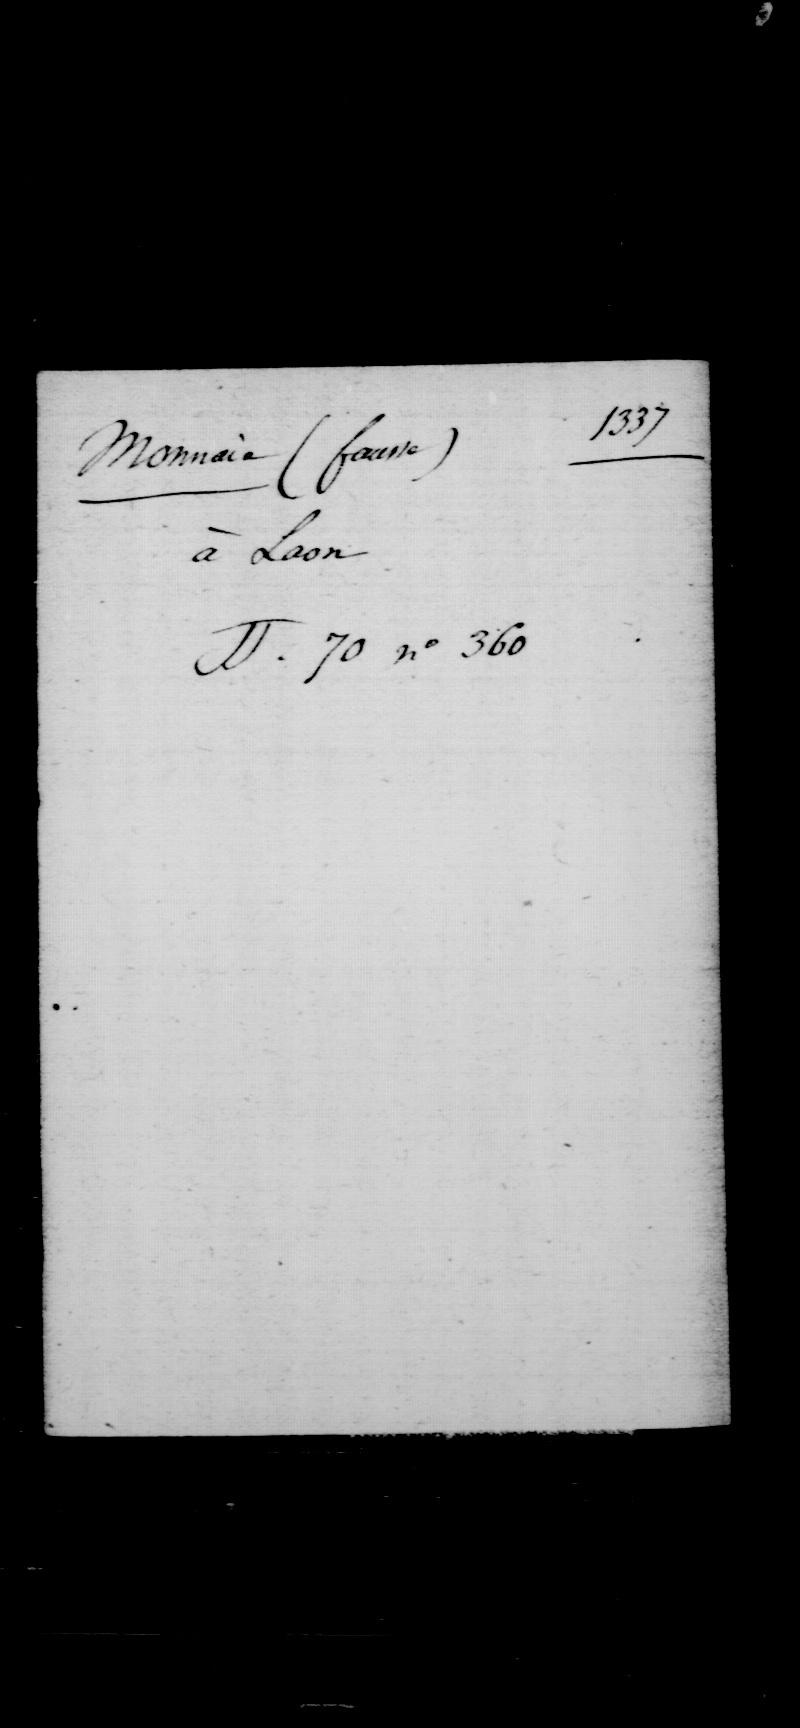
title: Monnaie (fausse)
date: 1337
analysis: à Laon
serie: JJ
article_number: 70
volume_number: n° 360
